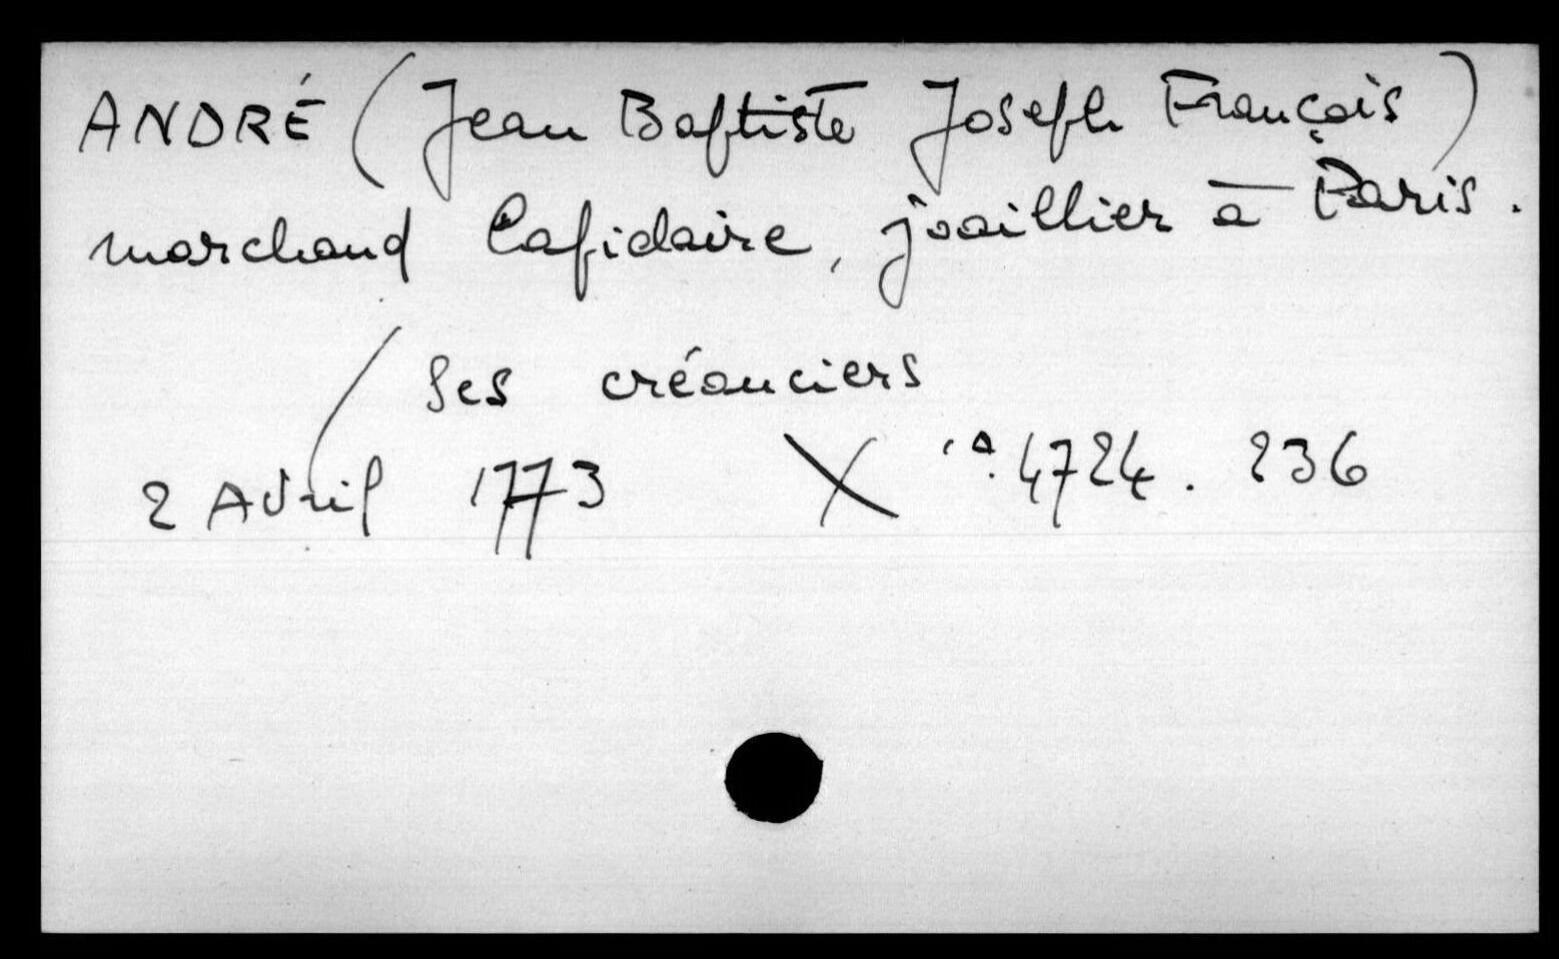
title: ANDRÉ (Jean Baptiste Joseph François) marchand lapidaire, joaillier à Paris.
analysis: Contre ses créanciers
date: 2 avril 1773
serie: X1a
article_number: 4724
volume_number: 236
